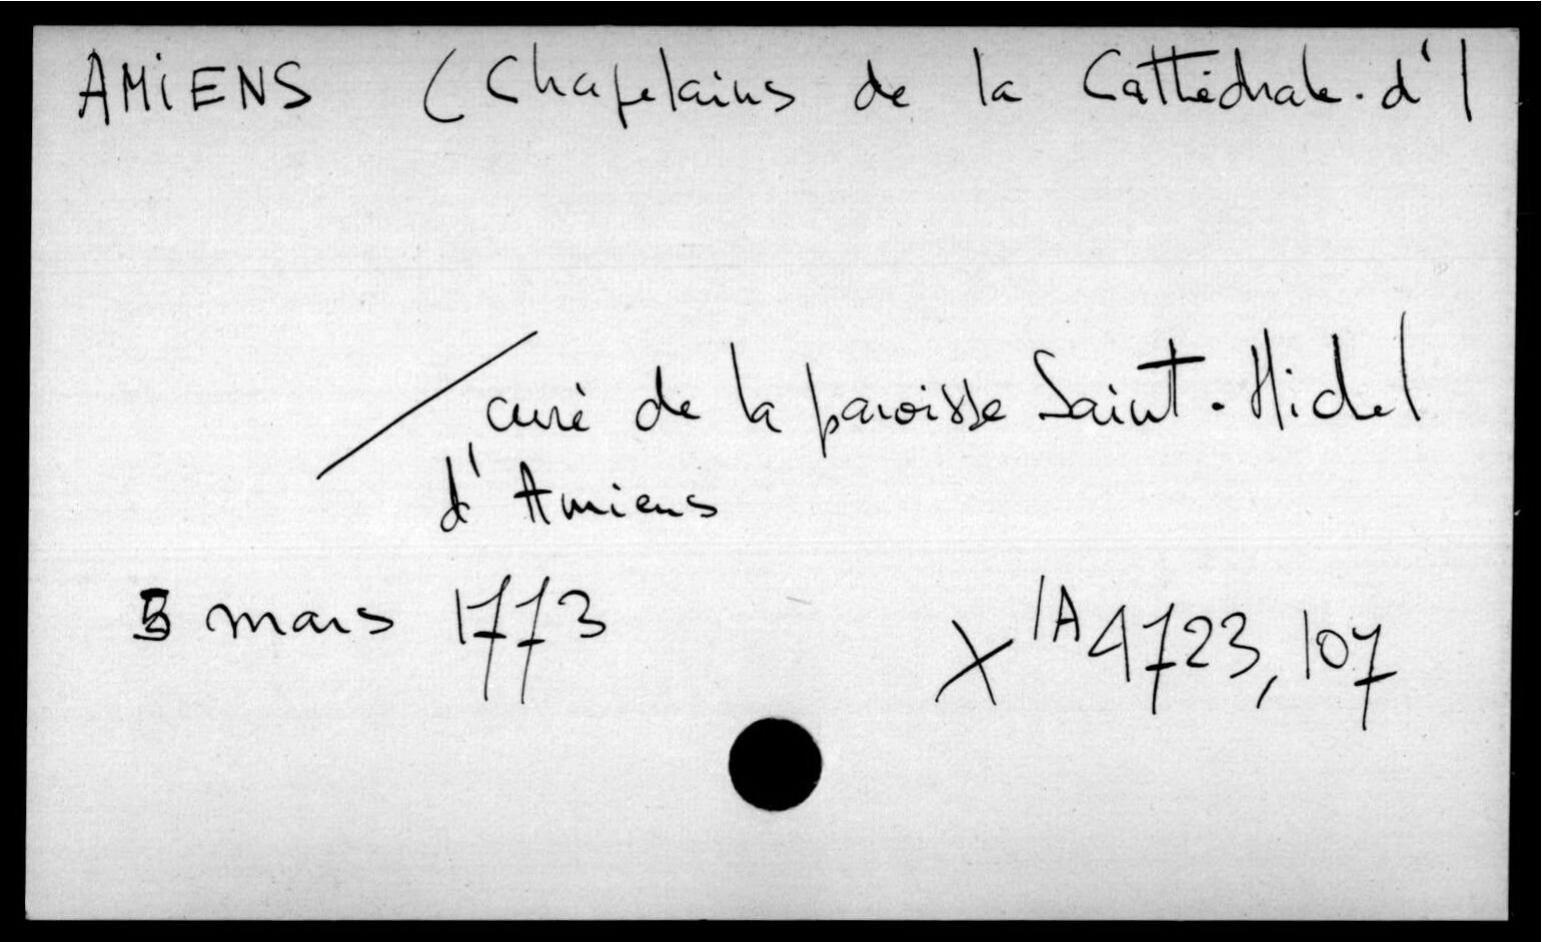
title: AMIENS (Chapelains de la Cathédrale d')
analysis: Contre curé de la paroisse Saint-Michel d'Amiens
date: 5 mars 1773
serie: X1A
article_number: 4723
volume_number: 107
